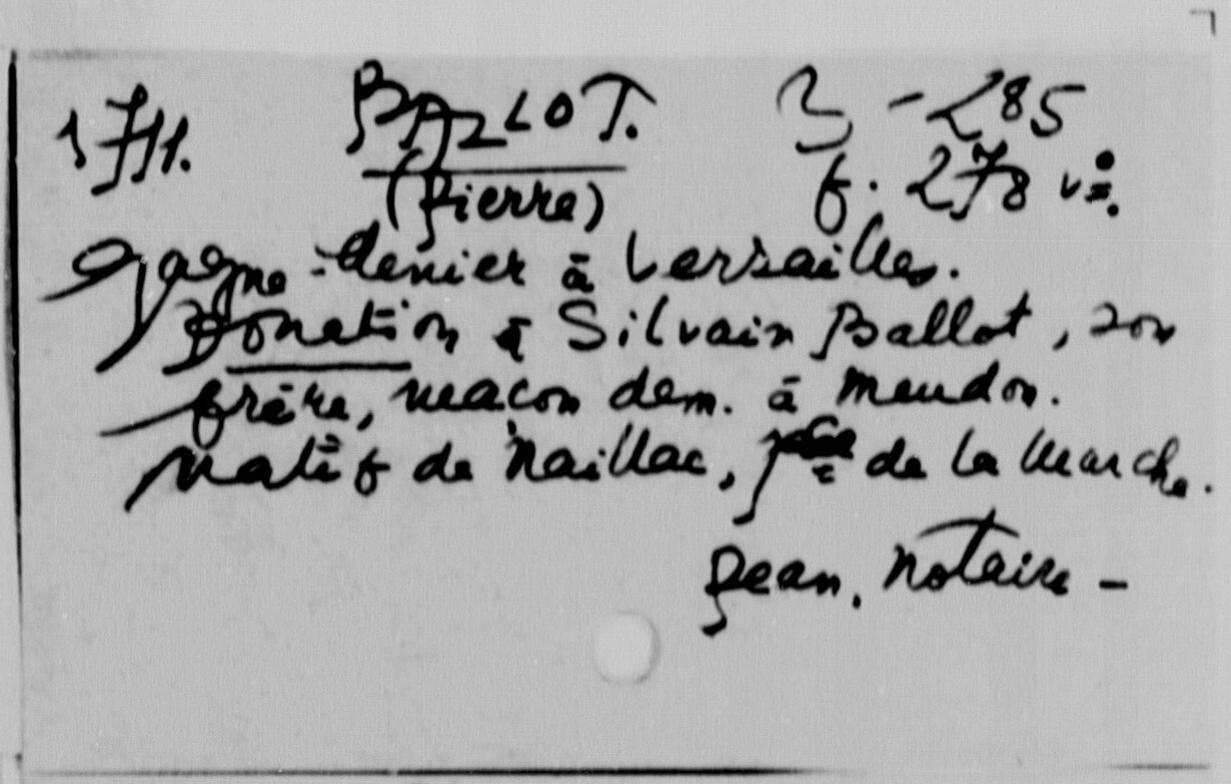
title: BALLOT (Pierre)
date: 1711
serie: Y
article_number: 285
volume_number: folio 278v
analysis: Gagne-denier à Versailles. Donation à Silvain BALLOT, son frère, maçon demeurant à Meudon, natif de Naillac, paroisse de la Marche. Pean, notaire.
